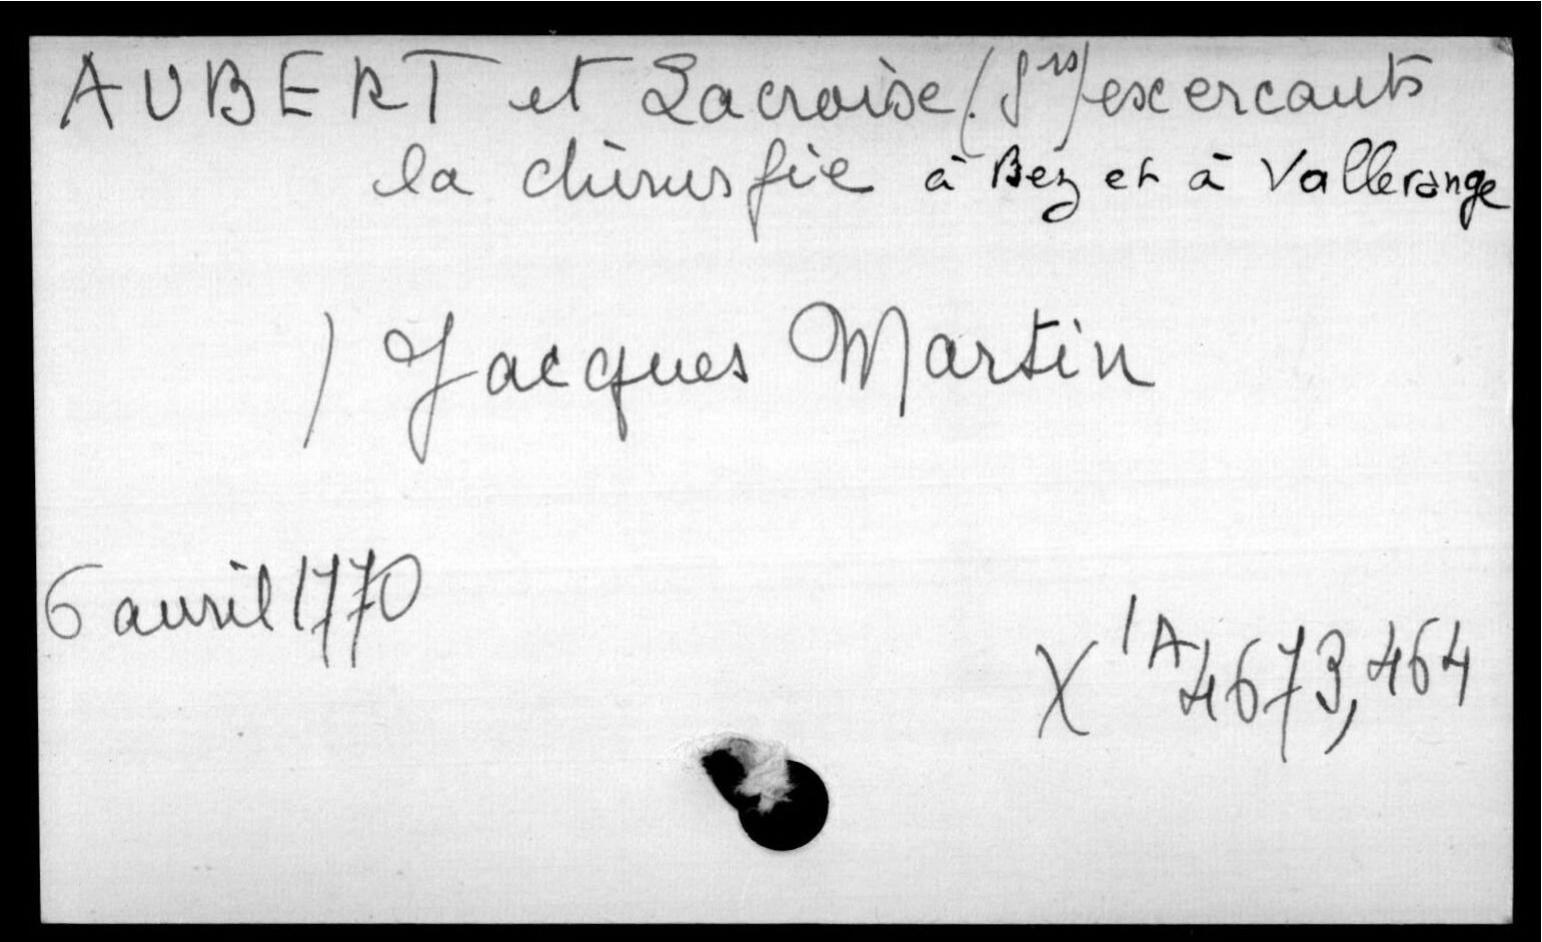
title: AUBERT et Lacroise (Sieurs) exerçants la chirurgie à Bez et à Vallerange
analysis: Contre Jacques Martin
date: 6 avril 1770
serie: X1A
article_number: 4673
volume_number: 464
